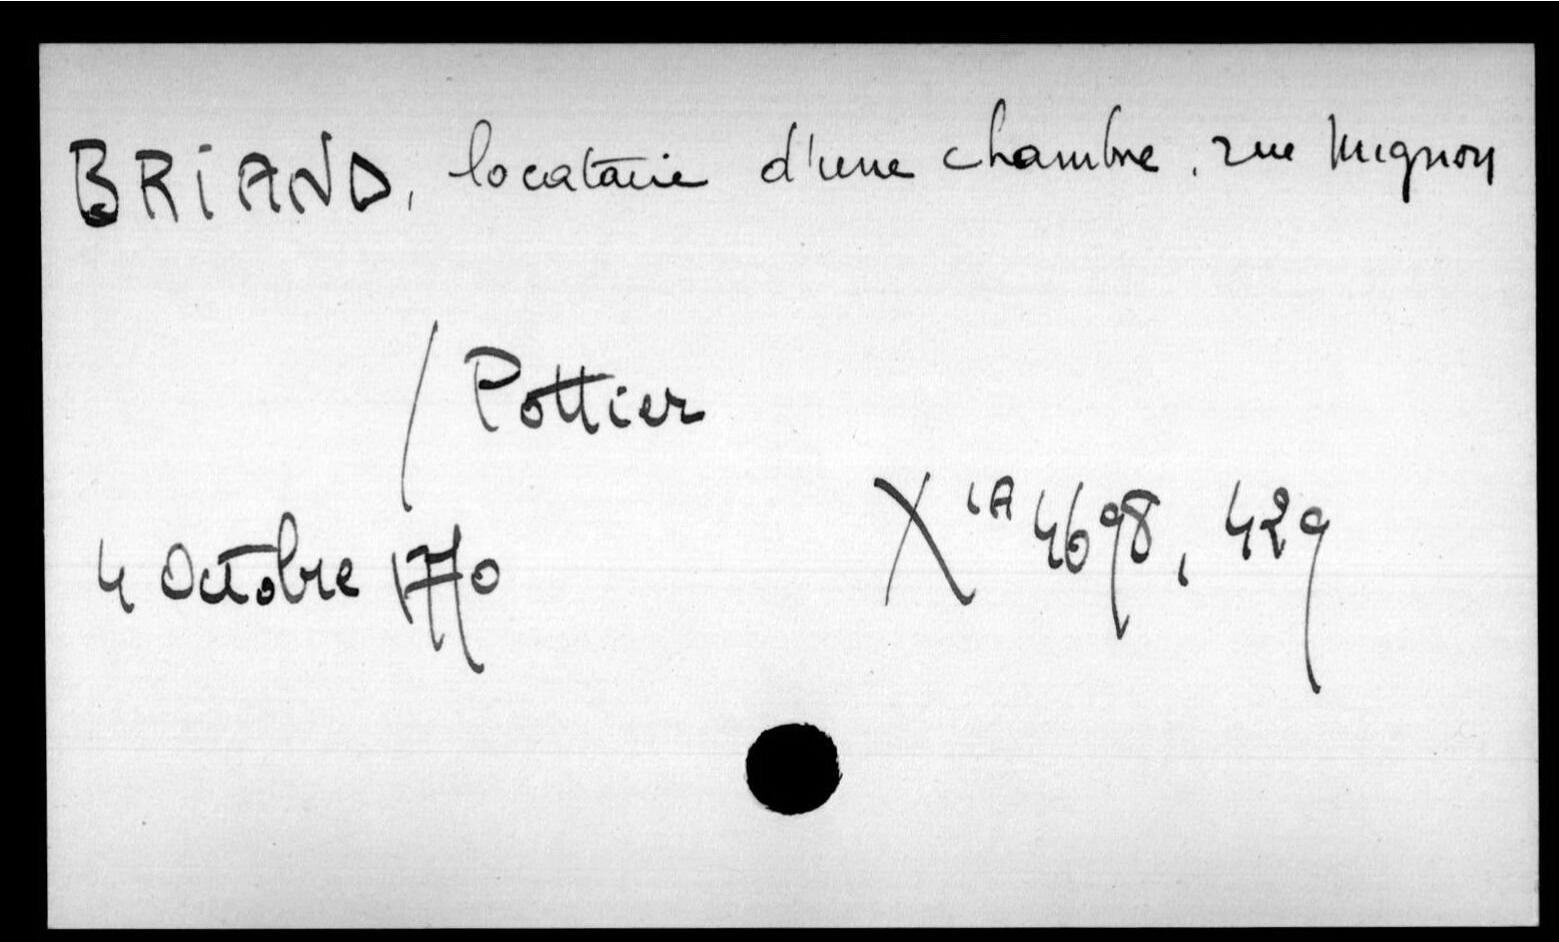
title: BRIAND, locataire d'une chambre, rue Mignon
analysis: Contre Pottier
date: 4 octobre 1770
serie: X1A
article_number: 4698
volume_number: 429
